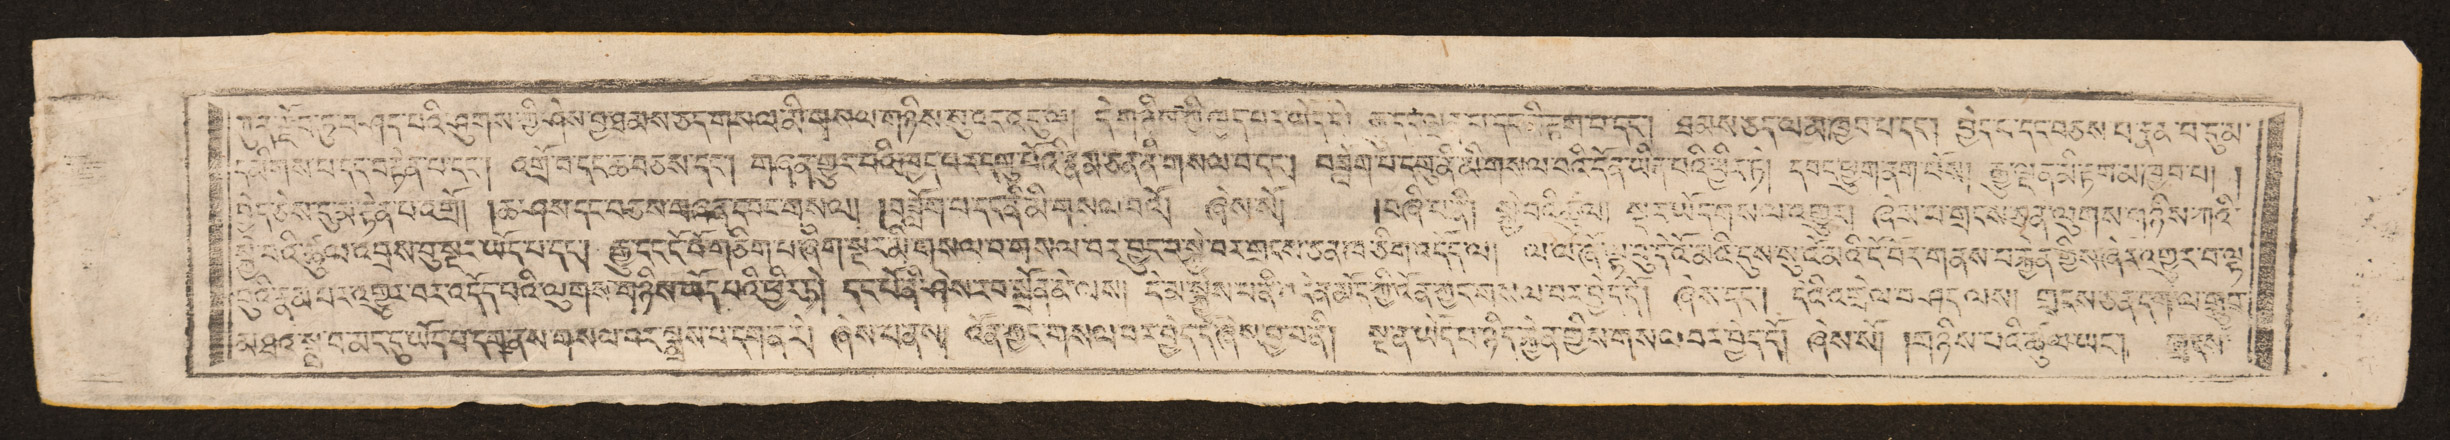ཀུན་རྫོབ་ཏུ་བཤད་པའི་ཤུགས་ཀྱི་ཤེས་བྱ་ཐམས་ཅད་གསལ་མི་གསལ་གཉིས་སུ་འང་འདུ་ལ། དེ་གཉིས་ཀྱི་ཁྱད་པར་ཡོད་དེ། རྒྱུ་དང་ལྡན་པ་དང་མི་རྟག་པ་དང་། ཐམས་ཅད་ལ་མ་ཁྱབ་པ་དང་། བྱེད་པ་དང་བཅས་པ་རྣམ་པ་དུ་མ་
དམིགས་པ་དང་བརྟེན་པ་དང་། འགྲོ་བ་དང་ཆ་བཅས་དང་། གཞན་གྱུར་པའི་ཁྱད་པར་དགུ་བོའི་རྣམ་ཅན་ནི་གསལ་བ་དང་། བཟློག་པ་དགུ་ནི་མི་གསལ་བའི་དོན་ཡིན་པའི་ཕྱིར་ཏེ། དབང་ཕྱུག་ནག་པོས། རྒྱུ་ལྡན་མི་རྟག་མ་ཁྱབ་པ། །
བྱེད་ཅེས་དུ་མ་རྟེན་པ་འགྲོ། །ཆ་ཤས་དང་བཅས་གཞན་དབང་གསལ། །བཟློག་པ་དང་ནི་མི་གསལ་བའོ། ཞེས་སོ། །བཞི་པ་ནི། སྐྱེ་བའི་ཚུལ། སྔར་ཡོད་གསལ་འགྱུར། ཞེས་པ་གྲངས་ཅན་ལུགས་གཉིས་ཀའི་
སྐྱེ་བའི་ཚུལ་འབྲས་བུ་སྔར་ཡོད་པ་དང་། རྒྱུ་དང་ངོ་བོ་གཅིག་པ་ཞིག་སྔར་མི་གསལ་བ་གསལ་བར་བྱུང་བ་སྐྱེ་བར་གྲངས་ཅན་ཁ་ཅིག་འདོད་ལ། ལ་ལ་ཞོ་ལྟ་བུ་དེ་འོ་མའི་དུས་སུ་འོ་མའི་ངོ་བོར་གནས་པ་རྐྱེན་གྱིས་ཞོར་འགྱུར་བ་ལྟ་
བུའི་རྣམ་པར་འགྱུར་བར་འདོད་པའི་ལུགས་གཉིས་ཡོད་པའི་ཕྱིར་ཏེ། དང་པོ་ནི་ཤེས་རབ་སྒྲོན་མེ་ལས། དེ་མ་སྐྱེས་པ་ནི་བདེན་མོད་ཀྱི་འོན་ཀྱང་གསལ་བར་བྱེད་དོ། ཞེས་དང་། དེའི་འགྲེལ་བཤད་ལས། གྲངས་ཅན་དག་ལ་གྲུབ་
མཐའ་སྨྲ་བ་མང་དུ་ཡོད་པ་དག་ནས་གསལ་བར་སྨྲས་བ་དག་ན་རེ། ཞེས་པ་ནས། འོན་ཀྱང་གསལ་བར་བྱེད་དོ་ཞེས་བྱ་བ་ནི། སྔ་ན་ཡོད་པ་ཉིད་རྐྱེན་གྱིས་གསལ་བར་བྱེད་དོ། ཞེས་སོ། །གཉིས་པའི་ཚུལ་ཡང་། གྲངས་